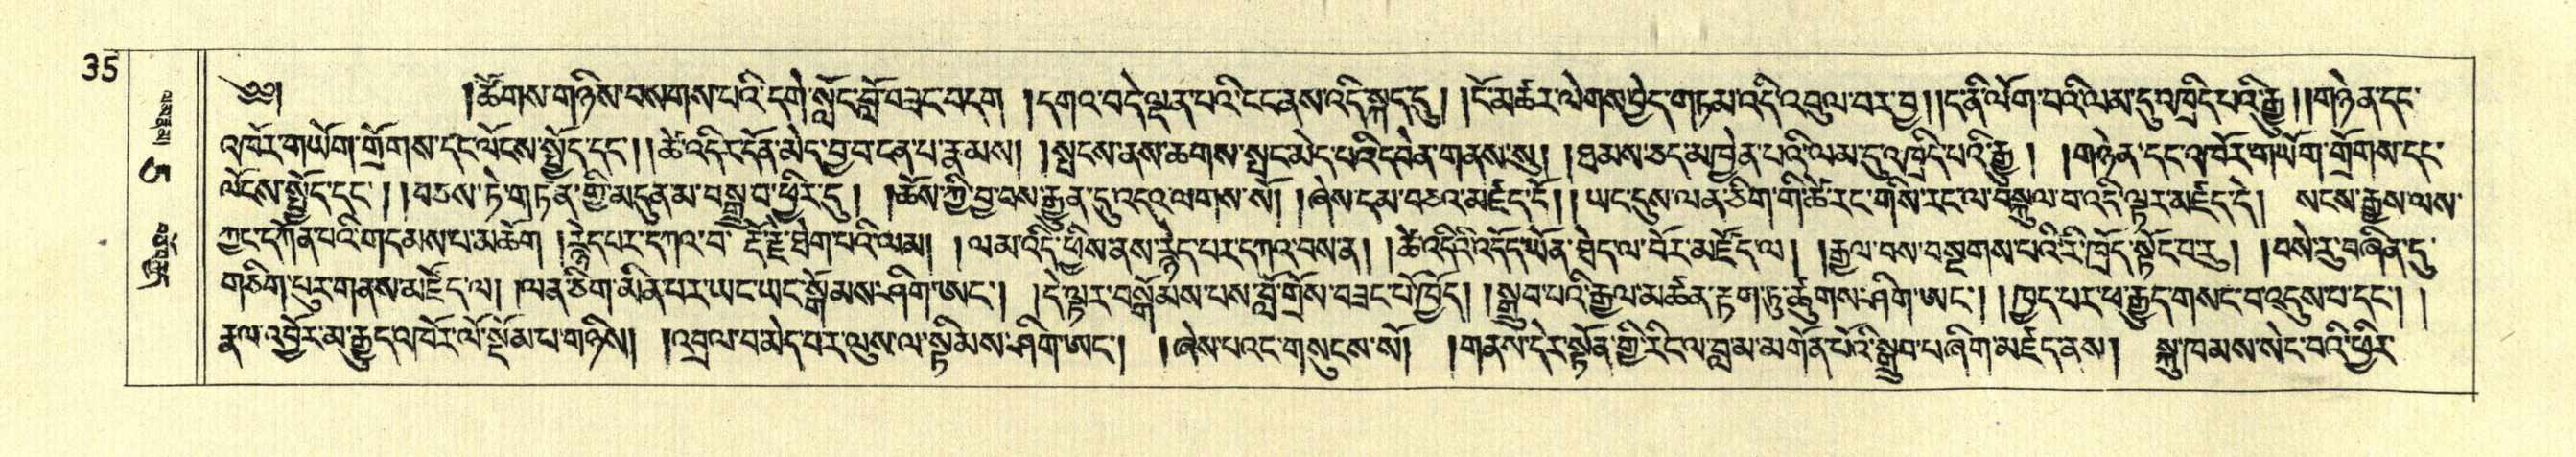༄༅། །ཚོགས་གཉིས་བསགས་པའི་དགེ་སློང་བློ་བཟང་བདག །དགའ་བདེ་ལྡན་པའི་ངང་ནས་འདི་སྐད་དུ། །ངོ་མཚར་ལེགས་བྱེད་གཏམ་འདི་འབུལ་བར་བྱ། །ང་ནི་ལོག་བའི་ལམ་དུ་འཁྲིད་པའི་རྒྱུ། །གཉེན་དང་
འཁོར་གཡོག་གྲོགས་དང་ལོངས་སྤྱོད་དང་། །ཚེ་འདིར་དོན་མེད་བྱ་བ་ངན་པ་རྣམས། །སྤངས་ནས་ཆགས་སྤང་མེད་པའི་དབེན་གནས་སུ། །ཐམས་ཅད་མཁྱེན་པའི་ལམ་དུ་འཁྲིད་པའི་རྒྱུ། །གཉེན་དང་འཁོར་གཡོག་གྲོགས་དང་
ལོངས་སྤྱོད་དང་། །བཅས་ཏེ་གཏན་གྱི་མདུན་མ་བསྒྲུབ་ཕྱིར་དུ། །ཆོས་ཀྱི་བྱ་བས་རྒྱུན་དུ་འདའ་ལགས་སོ། །ཞེས་དམ་བཅའ་མཛད་དོ། །ཡང་དུས་ལན་ཅིག་གི་ཚེ་རང་གིས་རང་ལ་བསྐུལ་བ་འདི་ལྟར་མཛད་དེ། སངས་རྒྱས་ལས་
ཀྱང་དཀོན་པའི་གདམས་པ་མཆོག །རྙེད་པར་དཀའ་བ་རྡོ་རྗེ་ཐེག་པའི་ལམ། །ལམ་འདི་ཕྱིས་ནས་རྙེད་པར་དཀའ་བས་ན། །ཚེ་འདིའི་འདོད་ཡོན་ཐེད་ལ་བོར་མཛོད་ལ། །རྒྱལ་བས་བསྔགས་པའི་རི་ཁྲོད་སྟོང་བ་རུ། །བསེ་རུ་བཞིན་དུ་
གཅིག་པུར་གནས་མཛོད་ལ། །ལན་ཅིག་མིན་པར་ཡང་ཡང་སྒོམས་ཤིག་ཨང་། །དེ་ལྟར་བསྒོམས་པས་བློ་གྲོས་བཟང་པོ་ཁྱོད། །སྒྲུབ་པའི་རྒྱལ་མཚན་རྟག་ཏུ་ཚུགས་ཤིག་ཨང་། །ཁྱད་པར་ཕ་རྒྱུད་གསང་བ་འདུས་པ་དང་། །
རྣལ་འབྱོར་མ་རྒྱུད་འཁོར་ལོ་སྡོམ་པ་གཉིས། །འབྲལ་བ་མེད་བར་ལུས་ལ་སྟིམས་ཤིག་ཨང་། །ཞེས་པའང་གསུངས་སོ། །གནས་དེར་སྟོན་གྱི་རིང་ལ་བླ་མ་མགོན་པོའི་སྒྲུབ་པ་ཞིག་མཛད་ནས། སྐུ་ཁམས་སེང་བའི་ཕྱིར་